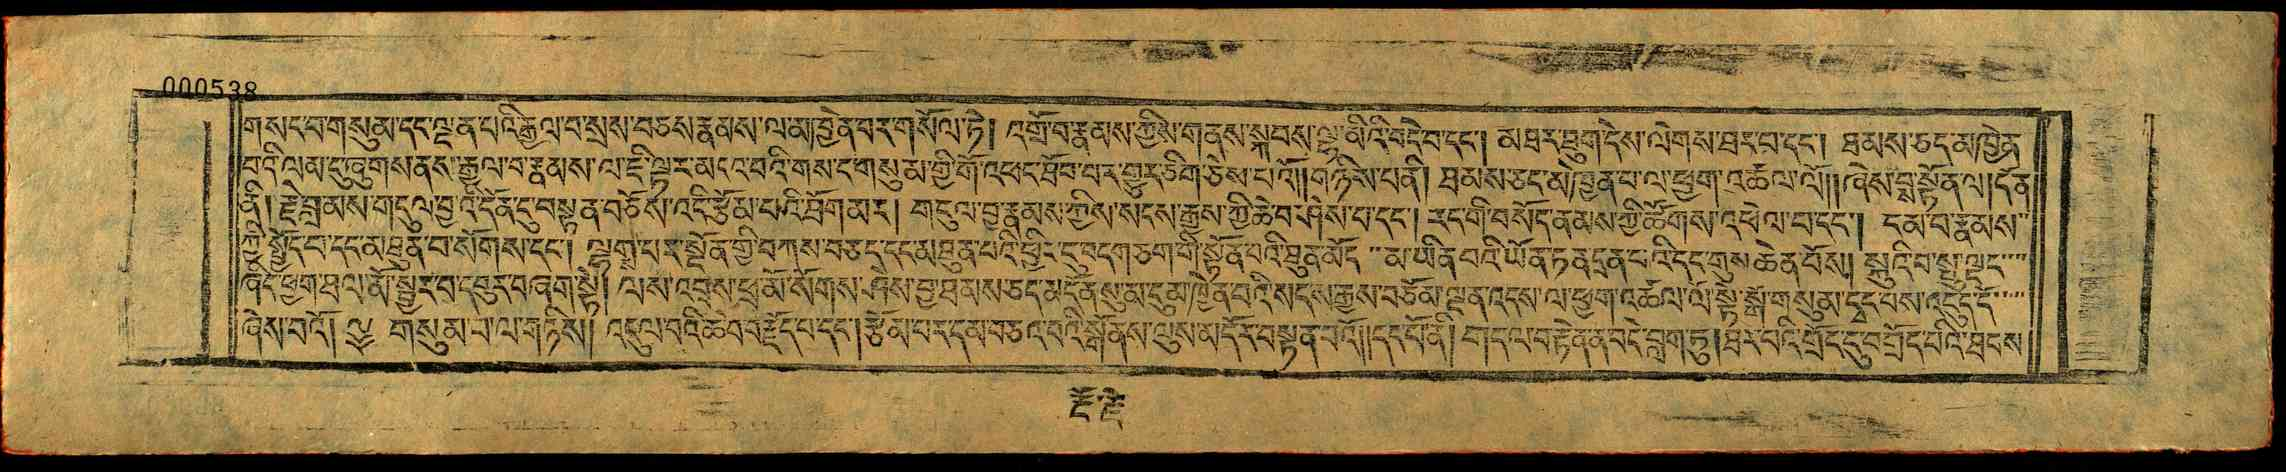གསང་བ་གསུམ་དང་ལྡན་པའི་རྒྱལ་བ་སྲས་བཅས་རྣམས་ལ་མཁྱེན་པར་གསོལ་ཏེ། འགྲོ་བ་རྣམས་ཀྱིས་གནས་སྐབས་ལྷ་མིའི་བདེ་བ་དང་། མཐར་ཐུག་ངེས་ལེགས་ཐར་པ་དང་། ཐམས་ཅད་མཁྱེན་
པའི་ལམ་དུ་ཞུགས་ནས་རྒྱལ་བ་རྣམས་ལ་ཇི་ལྟར་མངའ་བའི་གསང་གསུམ་གྱི་གོ་འཕང་ཐོབ་པར་གྱུར་ཅིག་ཅེས་པའོ། །གཉིས་པ་ནི། ཐམས་ཅད་མཁྱེན་པ་ལ་ཕྱག་འཚལ་ལོ། །ཞེས་པས་སྟོན་ལ། དོན་
ནི། རྗེ་བླ་མས་གདུལ་བྱའི་དོན་དུ་བསྟན་བཅོས་འདི་རྩོམ་པའི་ཐོག་མར། གདུལ་བྱ་རྣམས་ཀྱིས་སངས་རྒྱས་ཀྱི་ཆེ་བ་ཤེས་པ་དང་། རང་གི་བསོད་ནམས་ཀྱི་ཚོགས་འཕེལ་བ་དང་། དམ་པ་རྣམས་
ཀྱི་སྤྱོད་པ་དང་མཐུན་པ་སོགས་དང་། ལྷག་པར་སྔོན་གྱི་བཀས་བཅད་དང་མཐུན་པའི་ཕྱིར་དུ་བདག་ཅག་གི་སྟོན་པའི་ཐུན་མོང་མ་ཡིན་པའི་ཡོན་ཏན་དྲན་པའི་དད་གུས་ཆེན་པོས། སྐུའི་བ་སྤུ་ལྡང་
ཞིང་ཕྱག་ཐལ་མོ་སྦྱར་བ་དབུར་བཞག་སྟེ། ལས་འབྲས་ཕྲ་མོ་སོགས་ཤེས་བྱ་ཐམས་ཅད་མངོན་སུམ་དུ་མཁྱེན་པའི་སངས་རྒྱས་བཅོམ་ལྡན་འདས་ལ་ཕྱག་འཚལ་ལོ་སྟེ་སྒོ་གསུམ་དྭང་བས་འདུད་དོ་
ཞེས་པའོ།། ༈ གསུམ་པ་ལ་གཉིས། འདུལ་བའི་ཆེ་བ་བརྗོད་པ་དང་། རྩོམ་པར་དམ་བཅའ་བའི་སྒོ་ནས་ལུས་མདོར་བསྟན་པའོ། །དང་པོ་ནི། གང་ལ་བརྟེན་ན་བདེ་བླག་ཏུ། ཐར་པའི་གྲོང་དུ་བགྲོད་པའི་ཐབས།